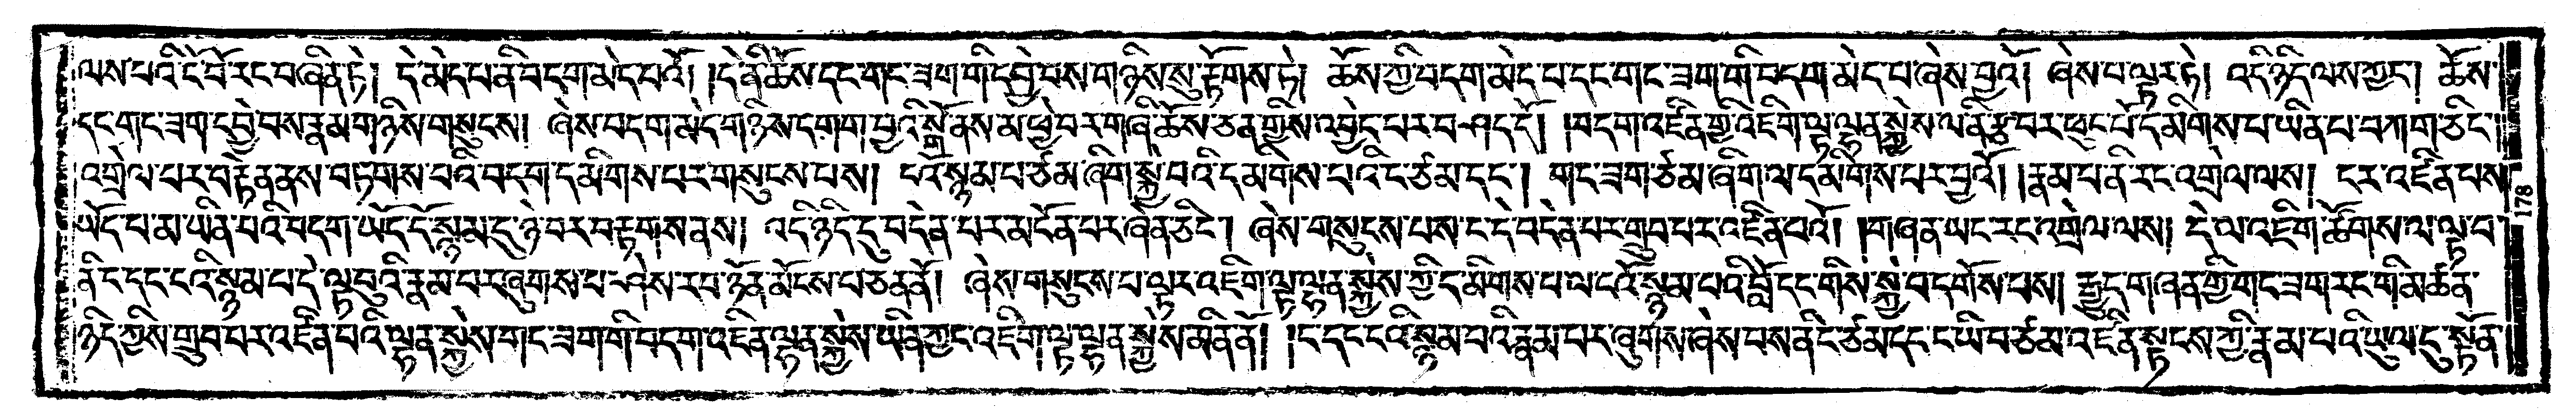ལས་པའི་ངོ་བོ་རང་བཞིན་ཏེ། དེ་མེད་པ་ནི་བདག་མེད་པའོ། །དེ་ནི་ཆོས་དང་གང་ཟག་གི་དབྱེ་བས་གཉིས་སུ་རྟོགས་ཏེ། ཆོས་ཀྱི་བདག་མེད་པ་དང་གང་ཟག་གི་བདག་མེད་པ་ཞེས་བྱའོ། ཞེས་པ་ལྟར་སྟེ། འདི་ཉིད་ལས་ཀྱང་། ཆོས་
དང་གང་ཟག་དབྱེ་བས་རྣམ་གཉིས་གསུངས། ཞེས་བདག་མེད་གཉིས་དགག་བྱའི་སྒོ་ནས་མ་ཕྱེ་བར་གཞི་ཆོས་ཅན་གྱིས་འབྱེད་པར་བཤད་དོ། །བདག་འཛིན་གྱི་འཇིག་ལྟ་ལྷན་སྐྱེས་ལ་ནི་རྩ་བར་ཕུང་པོ་དམིགས་པ་ཡིན་པ་བཀག་ཅིང་།
འགྲེལ་པར་བརྟེན་ནས་བཏགས་པའི་བདག་དམིགས་པར་གསུངས་པས། ངའོ་སྙམ་པ་ཙམ་ཞིག་སྐྱེ་བའི་དམིགས་པའི་ང་ཙམ་དང་། གང་ཟག་ཙམ་ཞིག་ལ་དམིགས་པར་བྱའོ། །རྣམ་པ་ནི་རང་འགྲེལ་ལས། ངར་འཛིན་པས་
ཡོད་པ་མ་ཡིན་པའི་བདག་ཡོད་དོ་སྙམ་དུ་ཉེ་བར་བརྟགས་ནས། འདི་ཉིད་དུ་བདེན་པར་མངོན་པར་ཞེན་ཅིང་། ཞེས་གསུངས་པས་ང་དེ་བདེན་པར་གྲུབ་པར་འཛིན་པའོ། །གཞན་ཡང་རང་འགྲེལ་ལས། དེ་ལ་འཇིག་ཚོགས་ལ་ལྟ་བ་
ནི་ང་དང་ངའི་སྙམ་པ་དེ་ལྟ་བུའི་རྣམ་པར་ཞུགས་པ་ཤེས་རབ་ཉོན་མོངས་པ་ཅན་ནོ། ཞེས་གསུངས་པ་ལྟར་འཇིག་ལྟ་ལྷན་སྐྱེས་ཀྱི་དམིགས་པ་ལ་ངའོ་སྙམ་པའི་བློ་ངང་གིས་སྐྱེ་བ་དགོས་པས། རྒྱུད་གཞན་གྱི་གང་ཟག་རང་གི་མཚན་
ཉིད་ཀྱིས་གྲུབ་པར་འཛིན་པའི་ལྷན་སྐྱེས་གང་ཟག་གི་བདག་འཛིན་ལྷན་སྐྱེས་ཡིན་ཀྱང་འཇིག་ལྟ་ལྷན་སྐྱེས་མིན་ནོ། །ང་དང་ངའི་སྙམ་པའི་རྣམ་པར་ཞུགས་ཞེས་པས་ནི་ང་ཙམ་དང་ང་ཡི་བ་ཙམ་འཛིན་སྟངས་ཀྱི་རྣམ་པའི་ཡུལ་དུ་སྟོན་